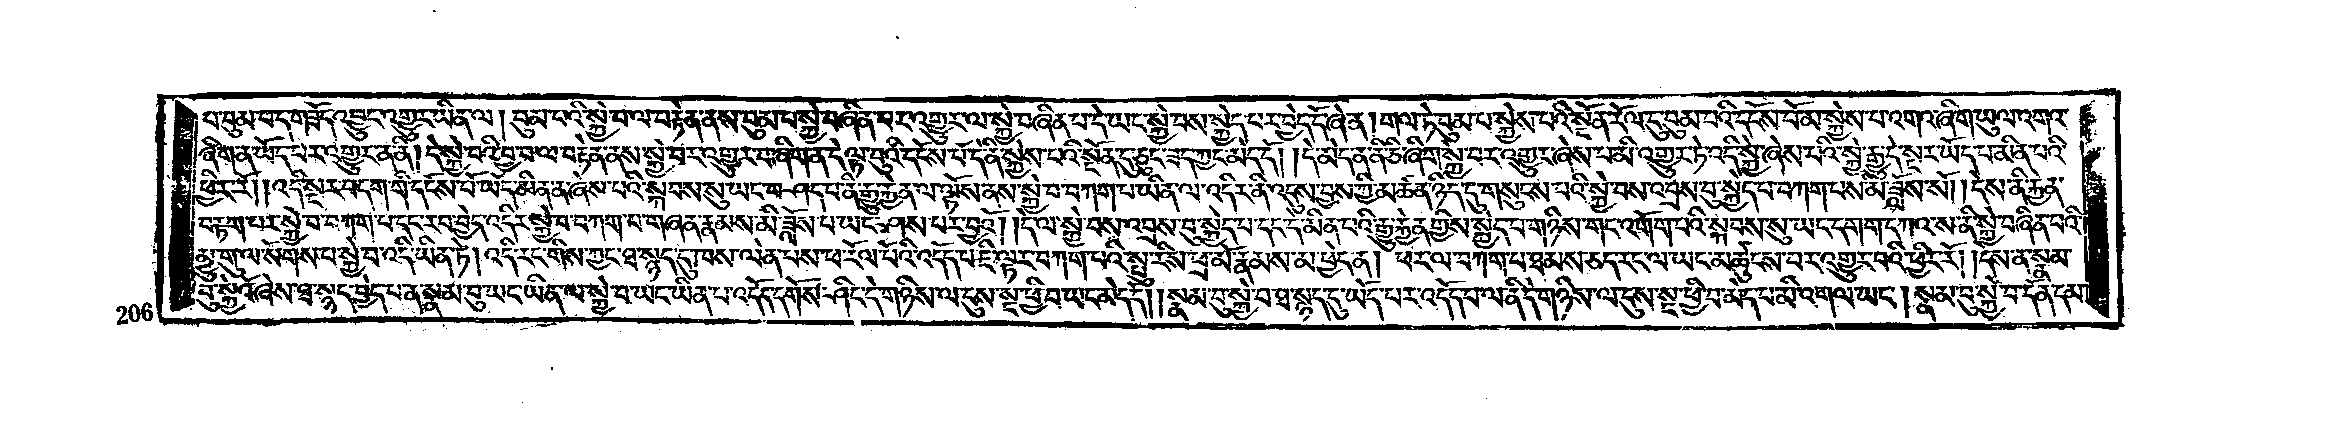པ་བུམ་པ་ད་གཟོད་འབྱུང་འགྱུར་ཡིན་ལ། བུམ་པའི་སྐྱེ་བ་ལ་བརྟེན་ནས་བུམ་པ་སྐྱེ་བཞིན་པར་འགྱུར་ལ་སྐྱེ་བཞིན་པ་དེ་ཡང་སྐྱེ་བས་སྐྱེད་པར་བྱེད་དེ་ཞེ་ན། གལ་ཏེ་བུམ་པ་སྐྱེས་པའི་སྔོན་རོལ་དུ་བུམ་པའི་དངོས་པོ་མ་སྐྱེས་པ་འགའ་ཞིག་ཡུལ་འགའ་
ཞིག་ན་ཡོད་པར་འགྱུར་ན་ནི། དེ་སྐྱེ་བའི་བྱ་བ་ལ་བརྟེན་ནས་སྐྱེ་བར་འགྱུར་བ་ཞིག་ན་དེ་ལྟ་བུའི་དངོས་པོ་དེ་ནི་སྐྱེས་པའི་སྔོན་དུ་ཅུང་ཟད་ཀྱང་མེད་དོ། །དེ་མེད་ན་ནི་ཅི་ཞིག་སྐྱེ་བར་འགྱུར་ཞེས་པ་མི་འགྱུར་ཏེ་འདི་སྐྱེ་ཞེས་པའི་སྐྱེ་རྒྱུ་དེ་སྔར་ཡོད་པ་མིན་པའི་
ཕྱིར་རོ། །འདི་སྔར་བདག་གི་དངོས་པོ་ཡོད་མིན་ན་ཞེས་པའི་སྐབས་སུ་ཡང་བཤད་པ་ནི་རྒྱུ་རྐྱེན་ལ་ལྟོས་ནས་སྐྱེ་བ་བཀག་པ་ཡིན་ལ་འདིར་ནི་འདུས་བྱས་ཀྱི་མཚན་ཉིད་དུ་གསུང་པའི་སྐྱེ་བས་འབྲས་བུ་སྐྱེད་པ་བཀག་པས་མི་ཟློས་སོ། །དེས་ནི་རྐྱེན་
བརྟག་པར་སྐྱེ་བ་བཀག་པ་དང་རབ་བྱེད་འདིར་སྐྱེ་བ་བཀག་པ་གཞན་རྣམས་མི་ཟློས་པ་ཡང་ཤས་པར་བྱའོ། །དེ་ལ་སྐྱེ་བས་འབྲས་བུ་སྐྱེད་པ་དང་དེ་མིན་པའི་རྒྱུ་རྐྱེན་གྱིས་སྐྱེད་པ་གཉིས་གང་འགོག་པའི་སྐབས་སུ་ཡང་དགག་དཀའ་ས་ནི་སྐྱེ་བཞིན་པའི་
མྱུ་གུ་ལ་སོགས་པ་སྐྱེ་བ་འདི་ཡིན་ཏེ། འདི་རང་གིས་ཀྱང་ཐ་སྙད་དུ་ཁས་ལེན་པས་ཕ་རོལ་པོའི་འདོད་པ་ཇི་ལྟར་བཀག་པའི་སྤུ་རིས་ཕྲ་མོ་རྣམས་མ་ཕྱེད་ན། ཕར་ལ་བཀག་པ་ཐམས་ཅད་རང་ལ་ཡང་མཚུངས་པར་འགྱུར་བའི་ཕྱིར་རོ། །དེས་ན་སྣམ་
བུ་སྐྱེའོ་ཞེས་ཐ་སྙད་བྱེད་པ་ན་སྣམ་བུ་ཡང་ཡིན་ལ་སྐྱེ་བ་ཡང་ཡིན་པ་འདོད་དགོས་ཤིང་དེ་གཉིས་ལ་དུས་སྔ་ཕྱི་བ་ཡང་མེད་དོ། །སྣམ་བུ་སྐྱེ་བ་ཐ་སྙད་དུ་ཡོད་པར་འདོད་པ་ལ་ནི་དེ་གཉིས་ལ་དུས་སྔ་ཕྱི་བ་མེད་པ་མི་འགལ་ཡང་། སྣམ་བུ་སྐྱེ་བ་དོན་དམ་